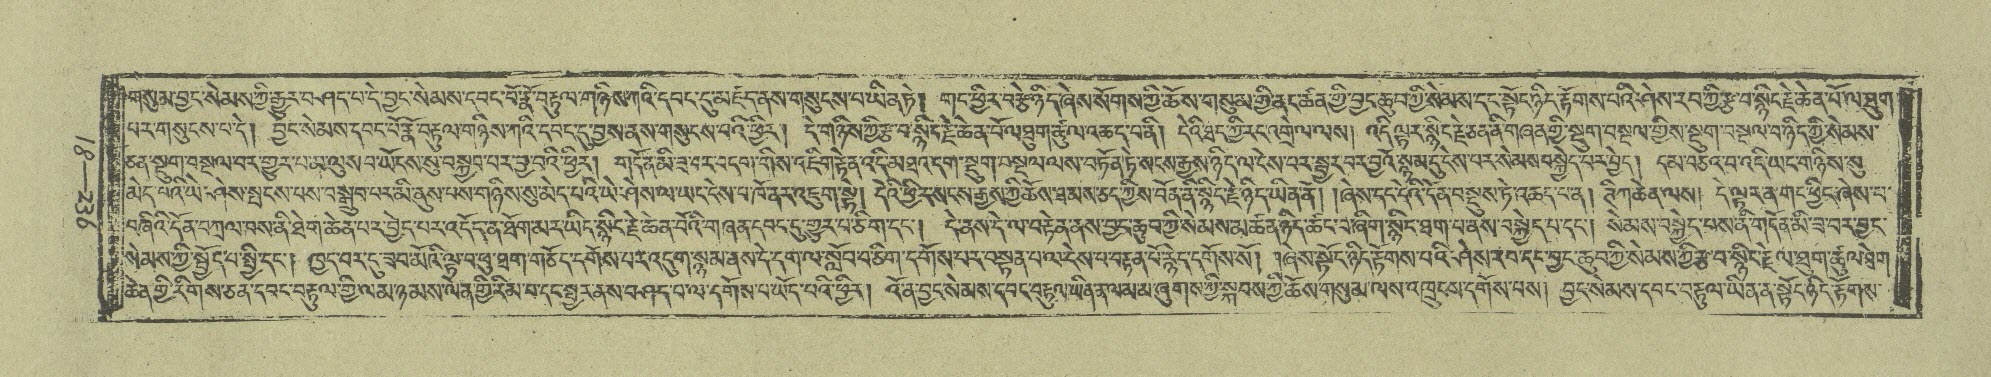གསུམ་བྱང་སེམས་ཀྱི་རྒྱུར་བཤད་པ་དེ་བྱང་སེམས་དབང་པོ་རྣོ་བརྟུལ་གཉིས་ཀའི་དབང་དུ་མཛད་ནས་གསུངས་པ་ཡིན་ཏེ། གང་ཕྱིར་བརྩེ་ཉིད་ཞེས་སོགས་ཀྱི་ཆོས་གསུམ་གྱི་ནང་ཚན་གྱི་བྱང་ཆུབ་ཀྱི་སེམས་དང་སྟོང་ཉིད་རྟོགས་པའི་ཤེས་རབ་ཀྱི་རྩ་བ་སྙིང་རྗེ་ཆེན་པོ་ལ་ཐུག་
བར་གསུངས་པ་དེ། བྱང་སེམས་དབང་པོ་རྣོ་བརྟུལ་གཉིས་ཀའི་དབང་དུ་བྱས་ནས་གསུངས་པའི་ཕྱིར། དེ་གཉིས་ཀྱི་རྩ་བ་སྙིང་རྗེ་ཆེན་པོ་ལ་ཐུག་ཚུལ་འཆད་པ་ནི། དེའི་ཐད་ཀྱི་རང་འགྲེལ་ལས། འདི་ལྟར་སྙིང་རྗེ་ན་ནི་གཞན་གྱི་སྡུག་བསྔལ་གྱིས་སྡུག་བསྔལ་བ་ཉིད་ཀྱི་སེམས་
ཅན་སྡུག་བསྔལ་བར་གྱུར་བ་མ་ལུས་པ་ཡོངས་སུ་བསྐྱབ་པར་བྱ་བའི་ཕྱིར། གདོན་མི་ཟ་བར་བདག་གིས་འཇིག་རྟེན་འདི་མཐའ་དག་སྡུག་བསྔལ་ལས་བཏོན་ཏེ་སངས་རྒྱས་ཉིད་ལ་ངེས་པར་སྦྱར་བར་བྱའོ་སྙམ་དུ་ངེས་པར་སེམས་བསྐྱེད་པར་བྱེད། དམ་བཅའ་བ་འདི་ཡང་གཉིས་སུ་
མེད་པའི་ཡེ་ཤེས་སྤངས་པས་བསྒྲུབ་པར་མི་ནུས་བས་གཉིས་སུ་མེད་པའི་ཡེ་ཤེས་ལ་ཡང་ངེས་པ་ཁོ་ནར་འཇུག་སྟེ། དེའི་ཕྱིར་སངས་རྒྱས་ཀྱི་ཆོས་ཐམས་ཅད་ཀྱི་ས་བོན་ནི་སྙིང་རྗེ་ཉིད་ཡིན་ནོ། །ཞེས་དང་དེའི་དོན་བསྡུས་ཏེ་འཆད་པ་ན། ཊིཀ་ཆེན་ལས། དེ་ལྟར་ན་གང་ཕྱིར་ཞེས་པ་
བཞིའི་དོན་བཀྲལ་བས་ནི་ཐེག་ཆེན་པར་བྱེད་པར་འདོད་ན་ཐོག་མར་ཡིད་སྙིང་རྗེ་ཆེན་པོའི་གཞན་དབང་དུ་གྱུར་པ་ཅིག་དང་། དེ་ནས་དེ་ལ་བརྟེན་ནས་བྱང་ཆུབ་ཀྱི་སེམས་མཚན་ཉིད་ཚང་བ་ཞིག་སྙིང་ཐག་པ་ནས་བསྐྱེད་པ་དང་། སེམས་བསྐྱེད་པས་ནི་གདོན་མི་ཟ་བར་བྱང་
སེམས་ཀྱི་སྤྱོད་པ་སྤྱི་དང་། ཁྱད་པར་དུ་ཟབ་མོའི་ལྟ་བ་ཕུ་ཐག་གཅོད་དགོས་པར་འདུག་སྙམ་ནས་དེ་དག་ལ་སློབ་པ་ཅིག་དགོས་པར་བསྟན་པ་ལ་ངེས་པ་བརྟེན་པོ་རྙེད་དགོས་སོ། །ཞེས་སྟོང་ཉིད་རྟོགས་པའི་ཤེས་རབ་དང་བྱང་ཆུབ་ཀྱི་སེམས་ཀྱི་རྩ་བ་སྙིང་རྗེ་ལ་ཐུག་ཚུལ་ཐེག་
ཆེན་གྱི་རིགས་ཅན་དབང་བརྟུལ་གྱི་ལམ་ཉམས་ལེན་གྱི་རིམ་པ་དང་སྦྱར་ནས་བཤད་པ་ལ་དགོས་པ་ཡོད་པའི་ཕྱིར། འོ་ན་བྱང་སེམས་དབང་བརྟུལ་ཡིན་ན་ལམ་མ་ཞུགས་ཀྱི་སྐབས་ཀྱི་ཆོས་གསུམ་ལས་འཁྲུངས་དགོས་པས། བྱང་སེམས་དབང་བརྟུལ་ཡིན་ན་སྟོང་ཉིད་རྟོགས་